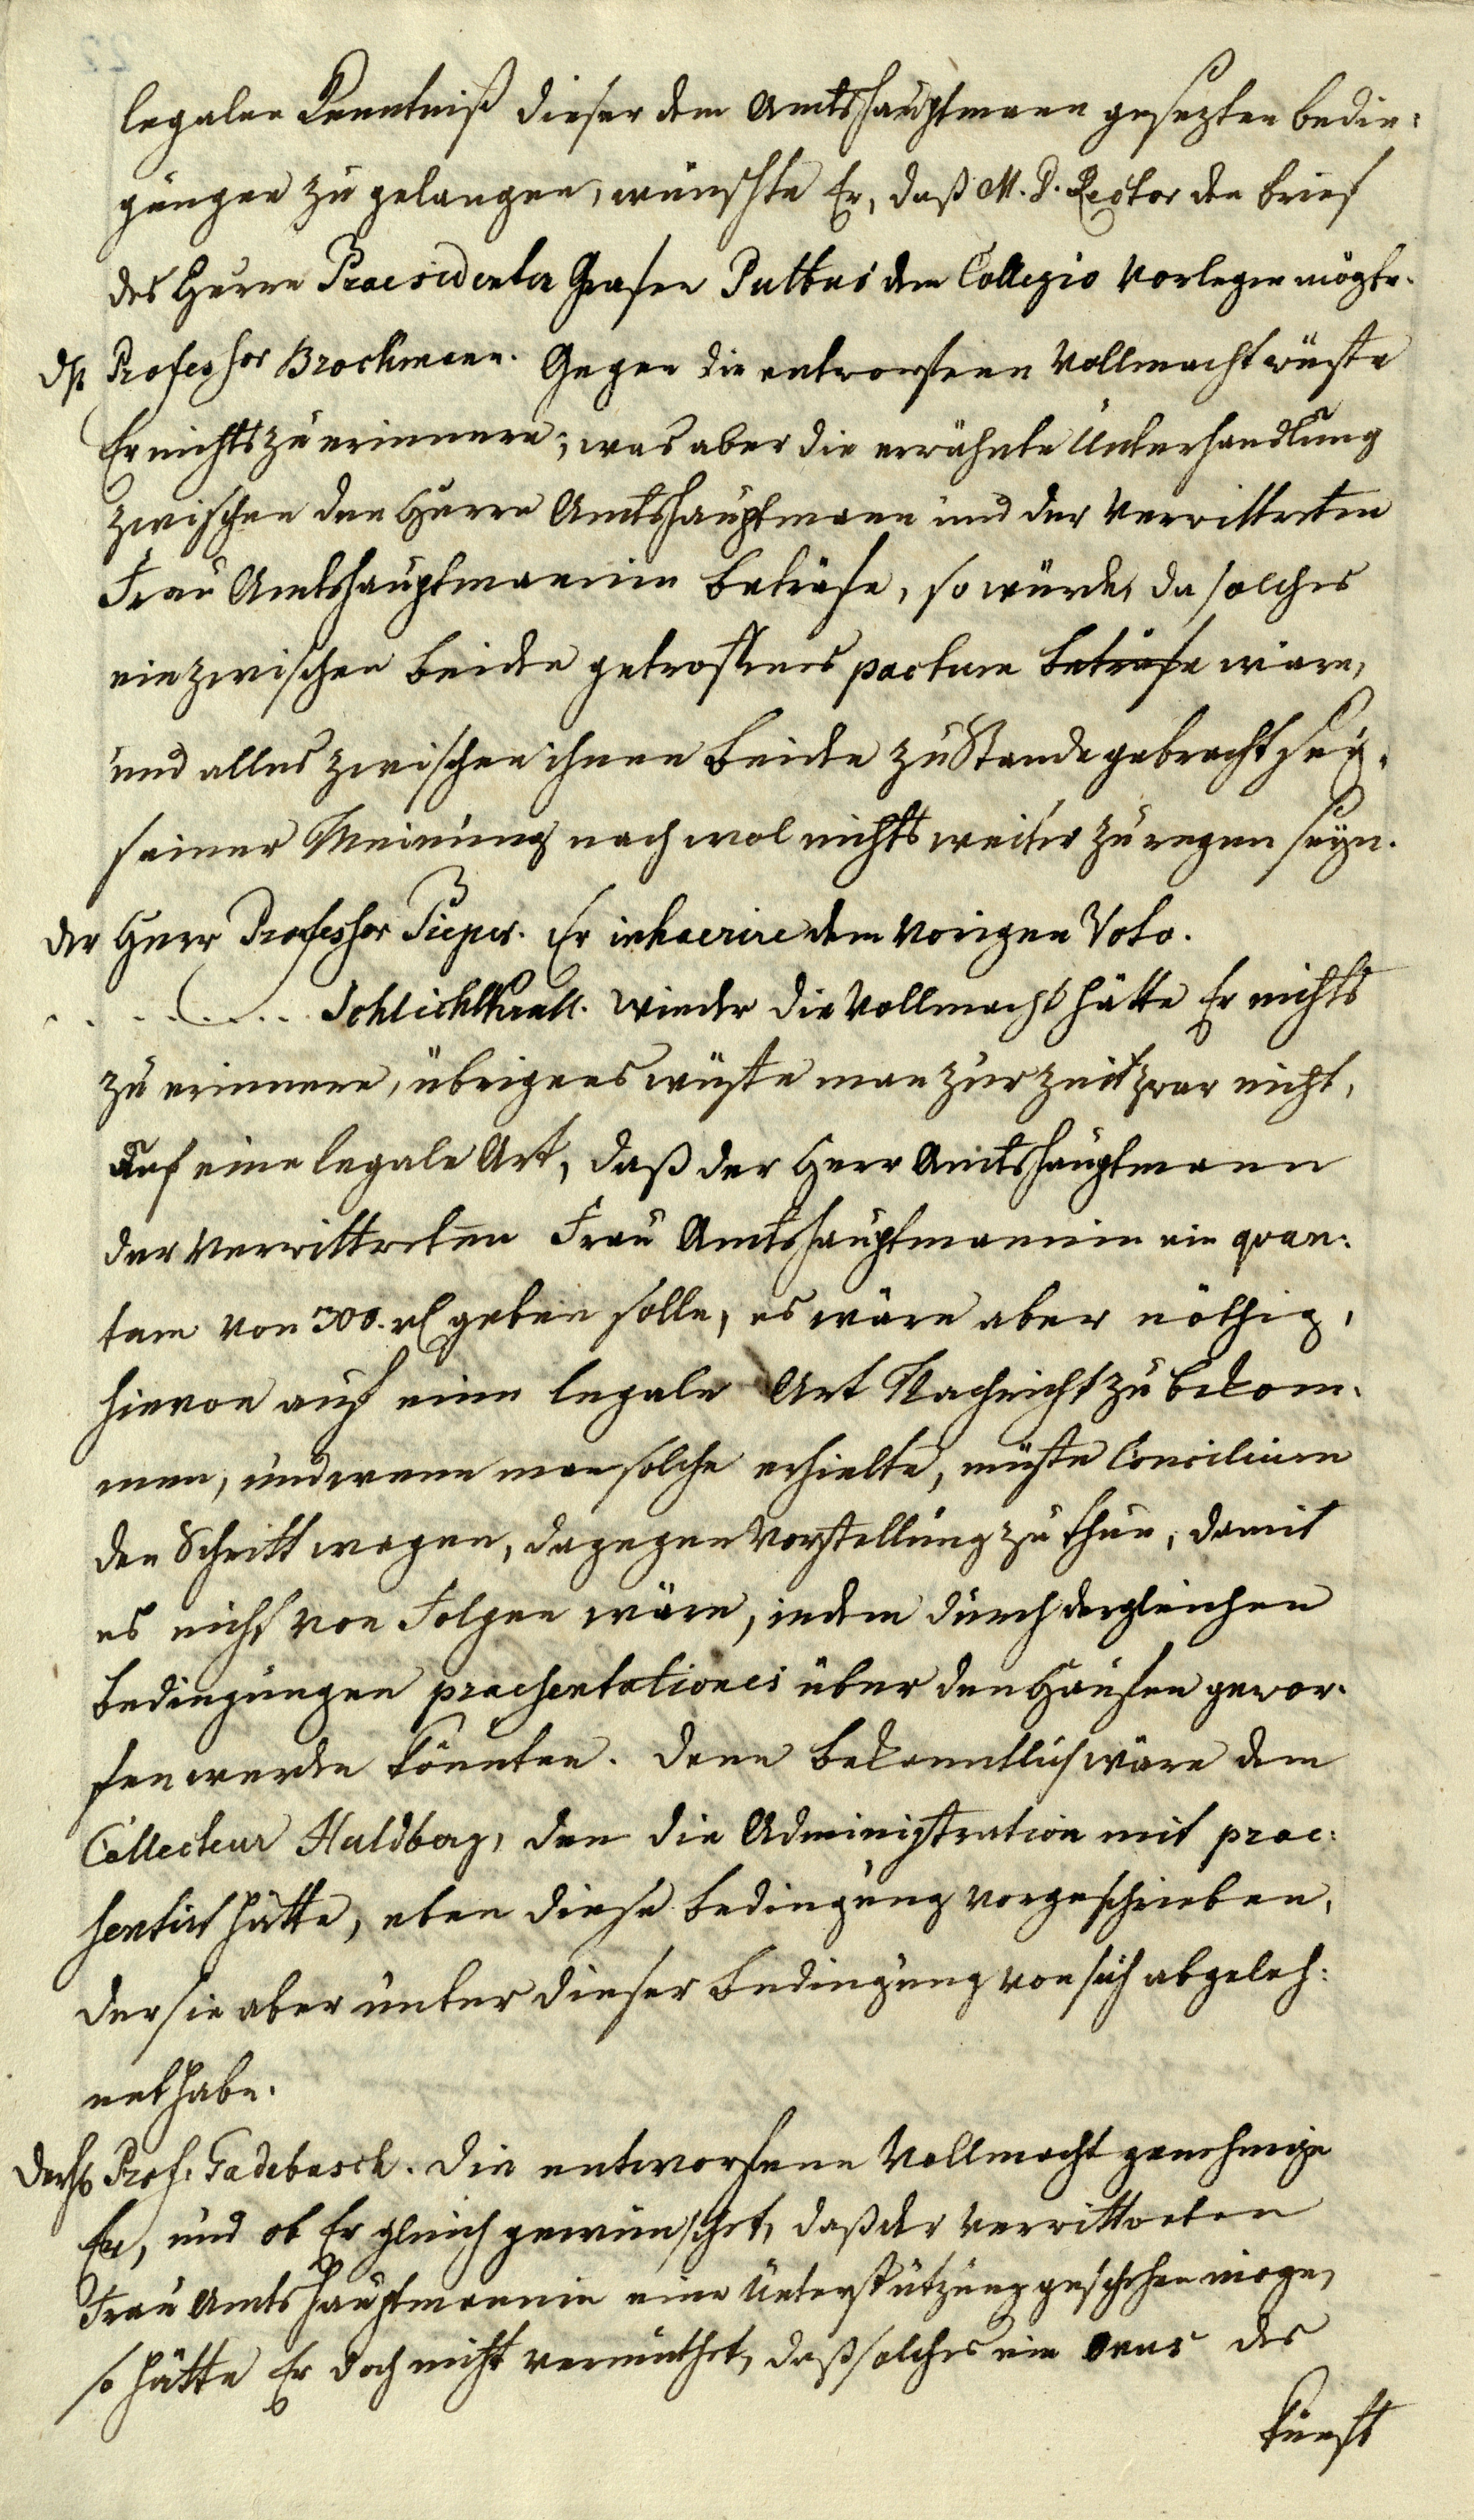legalen Kenntniß dieser dem Amtshauptmann gesetzten Bedin¬
gungen zu gelangen, wünschte Er, daß M. D. Rector die Brief
des Herrn Praesidenten Grafen Puttbus dem Collegio vorlegen mögte.
dh. Professor Brockmann. Gegen die entworfene Vollmacht wüßte
Er nichts zu erinnern; was aber die erwähnte Unterhandlung
zwischen dem Herrn Amtshauptmann und der verwittweten
Frau Amtshauptmannin beträfe, so würde, da solches
ein zwischen beiden getroffenes pactum beträfe wäre,
und alles zwischen ihnen Beide zu Stande gebracht seÿ,
seiner Meinung nach wohl nichts weiter zu regen seÿn.
der Herr Professor Piper. Er inhaerire dem vorigen Voto.
Schlichtkrull. Wieder die Vollmacht hätte Er nichts
ist erinnern, übrigens wüßte man zurzeit zwar nicht,
auf eine legale Art, daß der Herr Amtshauptmann
der Verwittweten Frau Amtshauptmannin ein quan¬
tum von 300. rl geben solle, es wäre aber nöthig,
hievon auf eine legale Art Nachricht zu bekom¬
men, und wenn man solche erhielte, müste Concilium
den Schritt wagen, dagegen Vorstellung zu thun, damit
es nicht von Folgen wäre, indem durch dergleichen
Bedingungen praesentationes über den Haufen gewor¬
fen werden könnten. Denn bekanntlich wäre dem
Collecteur Huldberg, den die Administration mit prae¬
sentirt hätte, eben diese Bedingung vorgeschrieben,
der sie aber unter dieser Bedingung von sich abgeleh¬
net habe.
derh Prof. Gadebusch. Die entworfene Vollmacht genehmige
Er, und ob Er gleich gewünschet, daß der verwittweten
Frau Amtshauptmannin eine Unterstützung geschehen möge,
so hätte Er doch nicht vermuthet, daß solches ein Onus des
künft